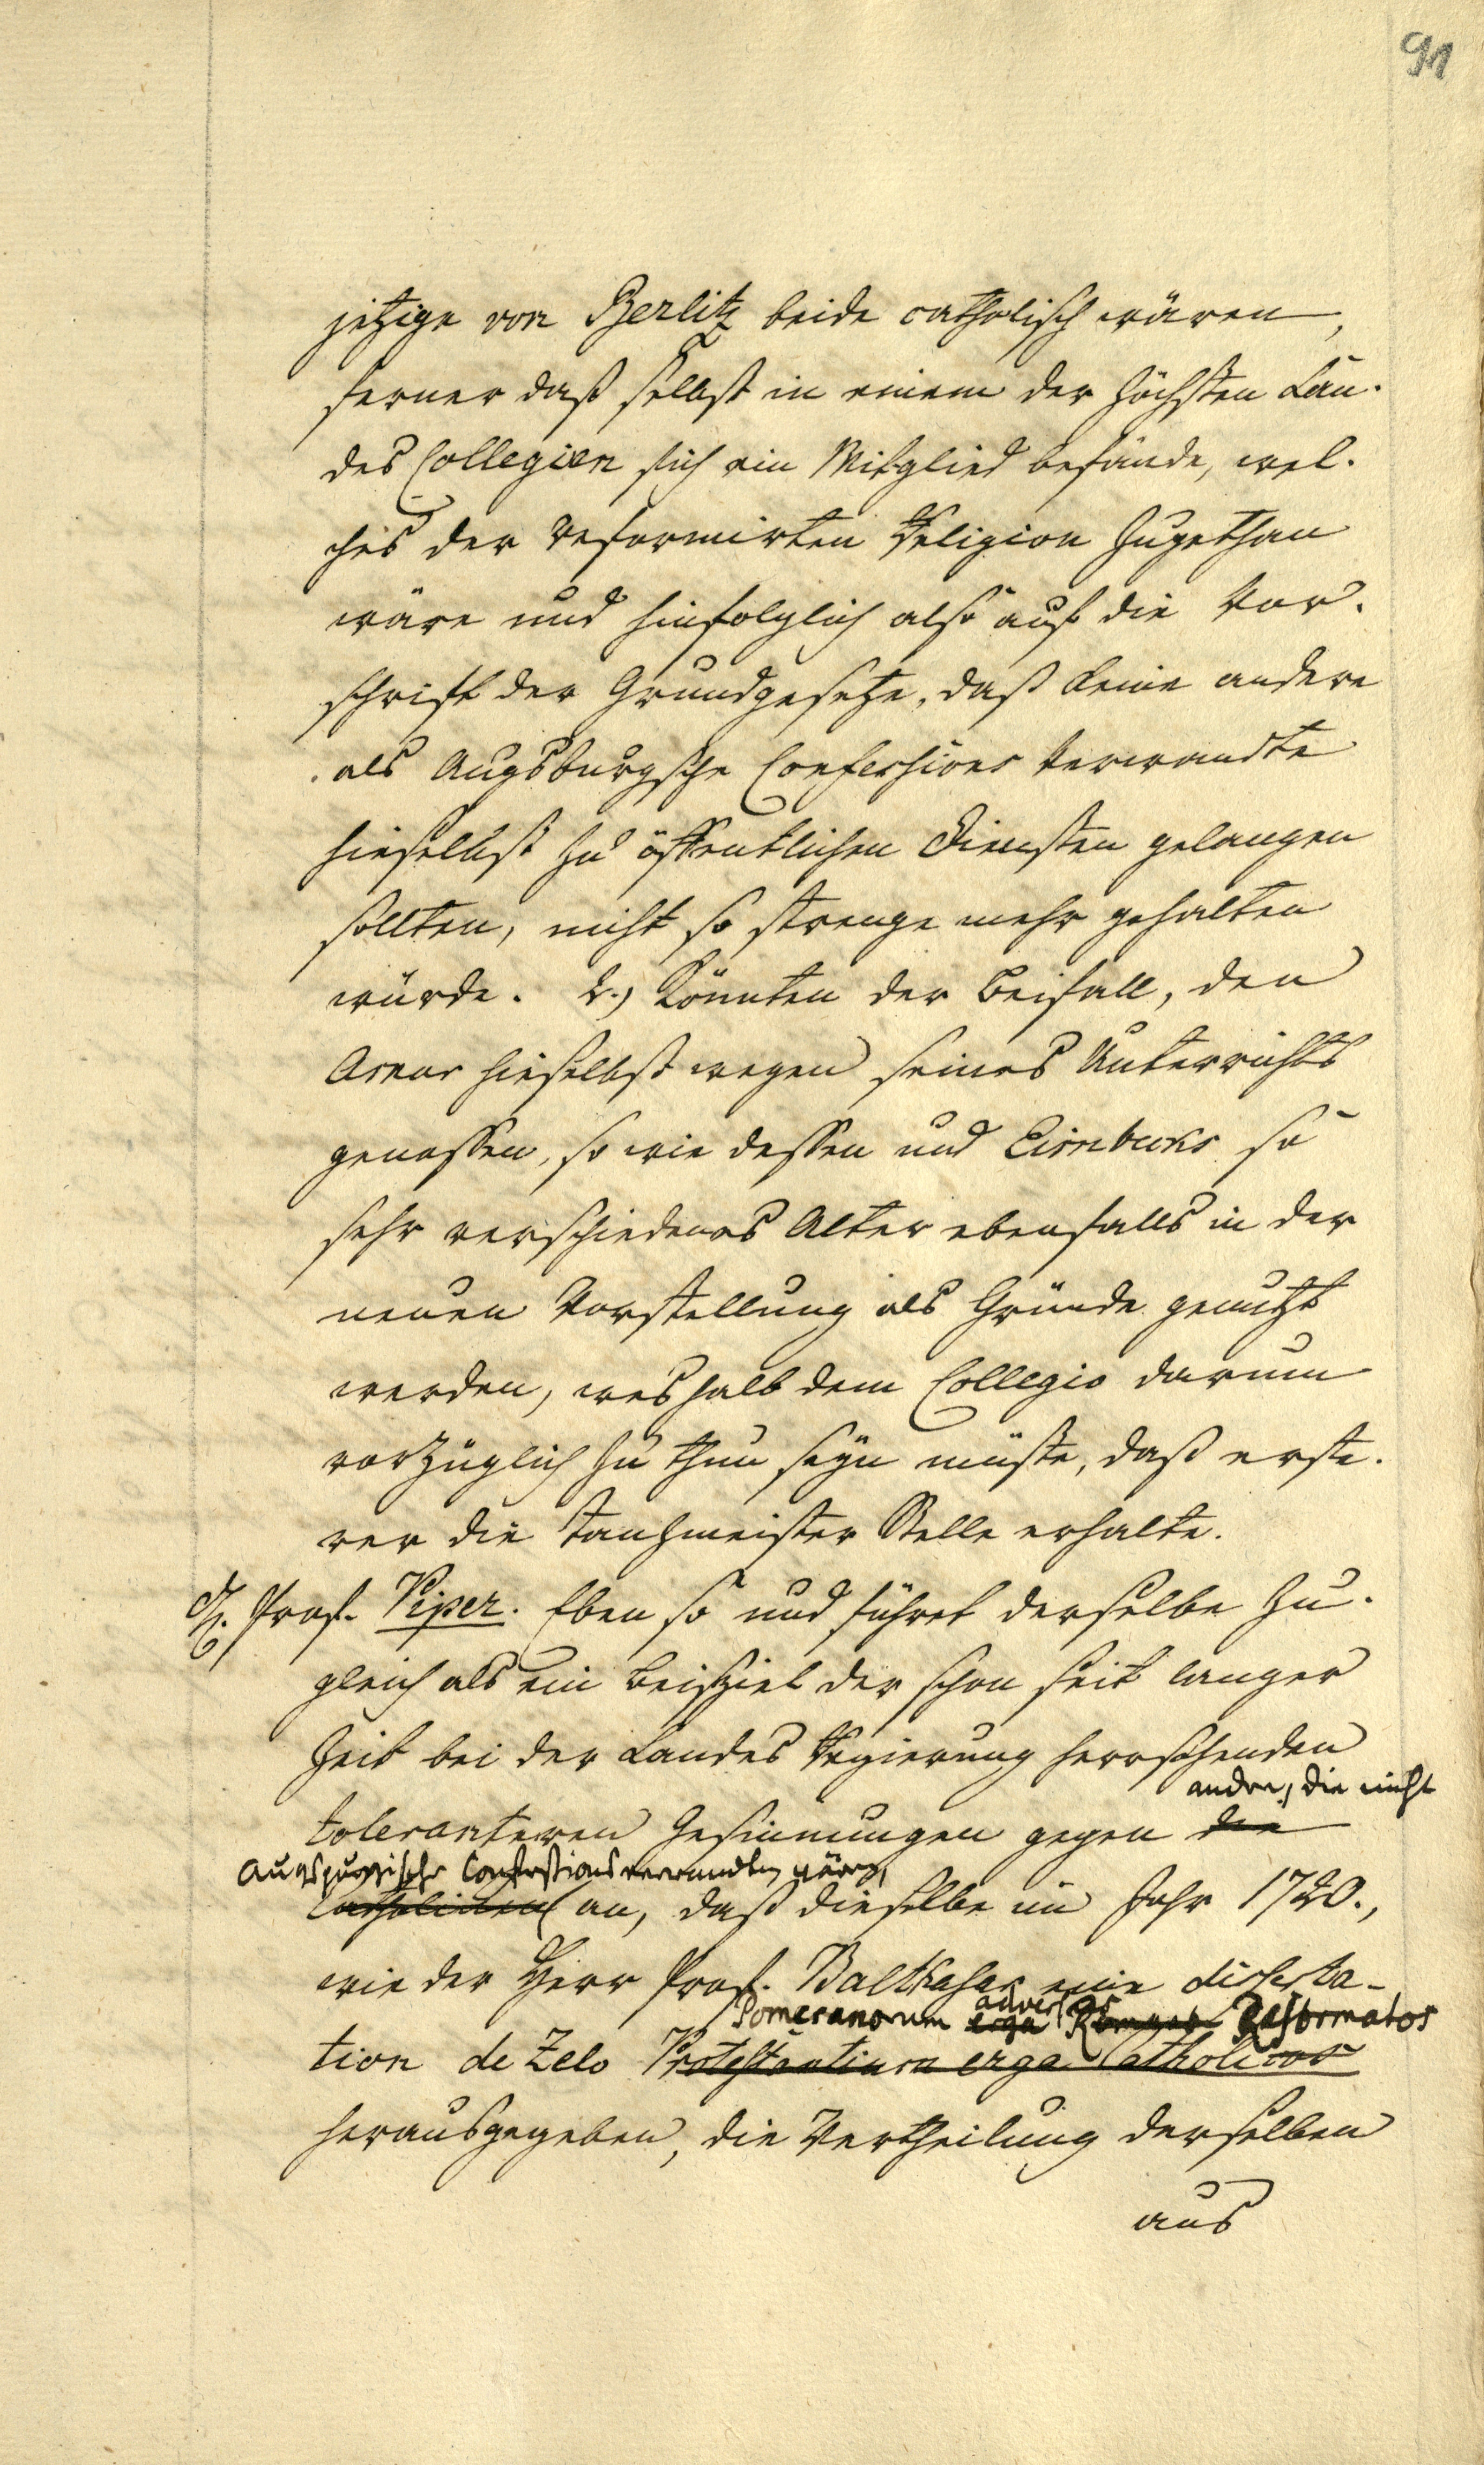jetzige von Berlitz beide catholisch wären,
ferner daß selbst in einem der höchsten Lan¬
des Collegien sich ein Mitglied befände, wel¬
ches der reformirten Religion zugethan
wäre und hinfolglich also auf die Vor¬
schrift der Grundgesetze, daß keine andere
als Augsburgsche Confessions Verwandte
hieselbst zu öffentlichen Diensten gelangen
sollten, nicht so strenge mehr gehalten
würde. 2., Könnten der Beifall, den
Amor hieselbst wegen seines Unterrichts
genossen, so wie dessen und Eimbecks so¬
sehr verschiedenes Alter ebenfalls in der
neuen Vorstellung als Gründe genutzt
werden, wes halb dem Collegio darum
vorzüglich zu thun seÿn müßte, daß erste¬
rer die Tanzmeister Stelle erhalte.
dh. Prof. Piper. Eben so und führet derselbe zu-
gleich als ein Beispiel der schon seit langer
Zeit bei der Landes Regierung herrschenden
andere, die nicht
toleranteren Gesinnungen gegen den
Augsburgische Confessionsverwandte wären,
Catholiken an, daß dieselbe im Jahr 1720.,
wie der Herr Prof. Balthasar eine disserta¬
Pomeranorum adversos Reformatos
tion de Zelo Protestantium ergo Catholicos
herausgegeben, die Vertheilung derselben
aus